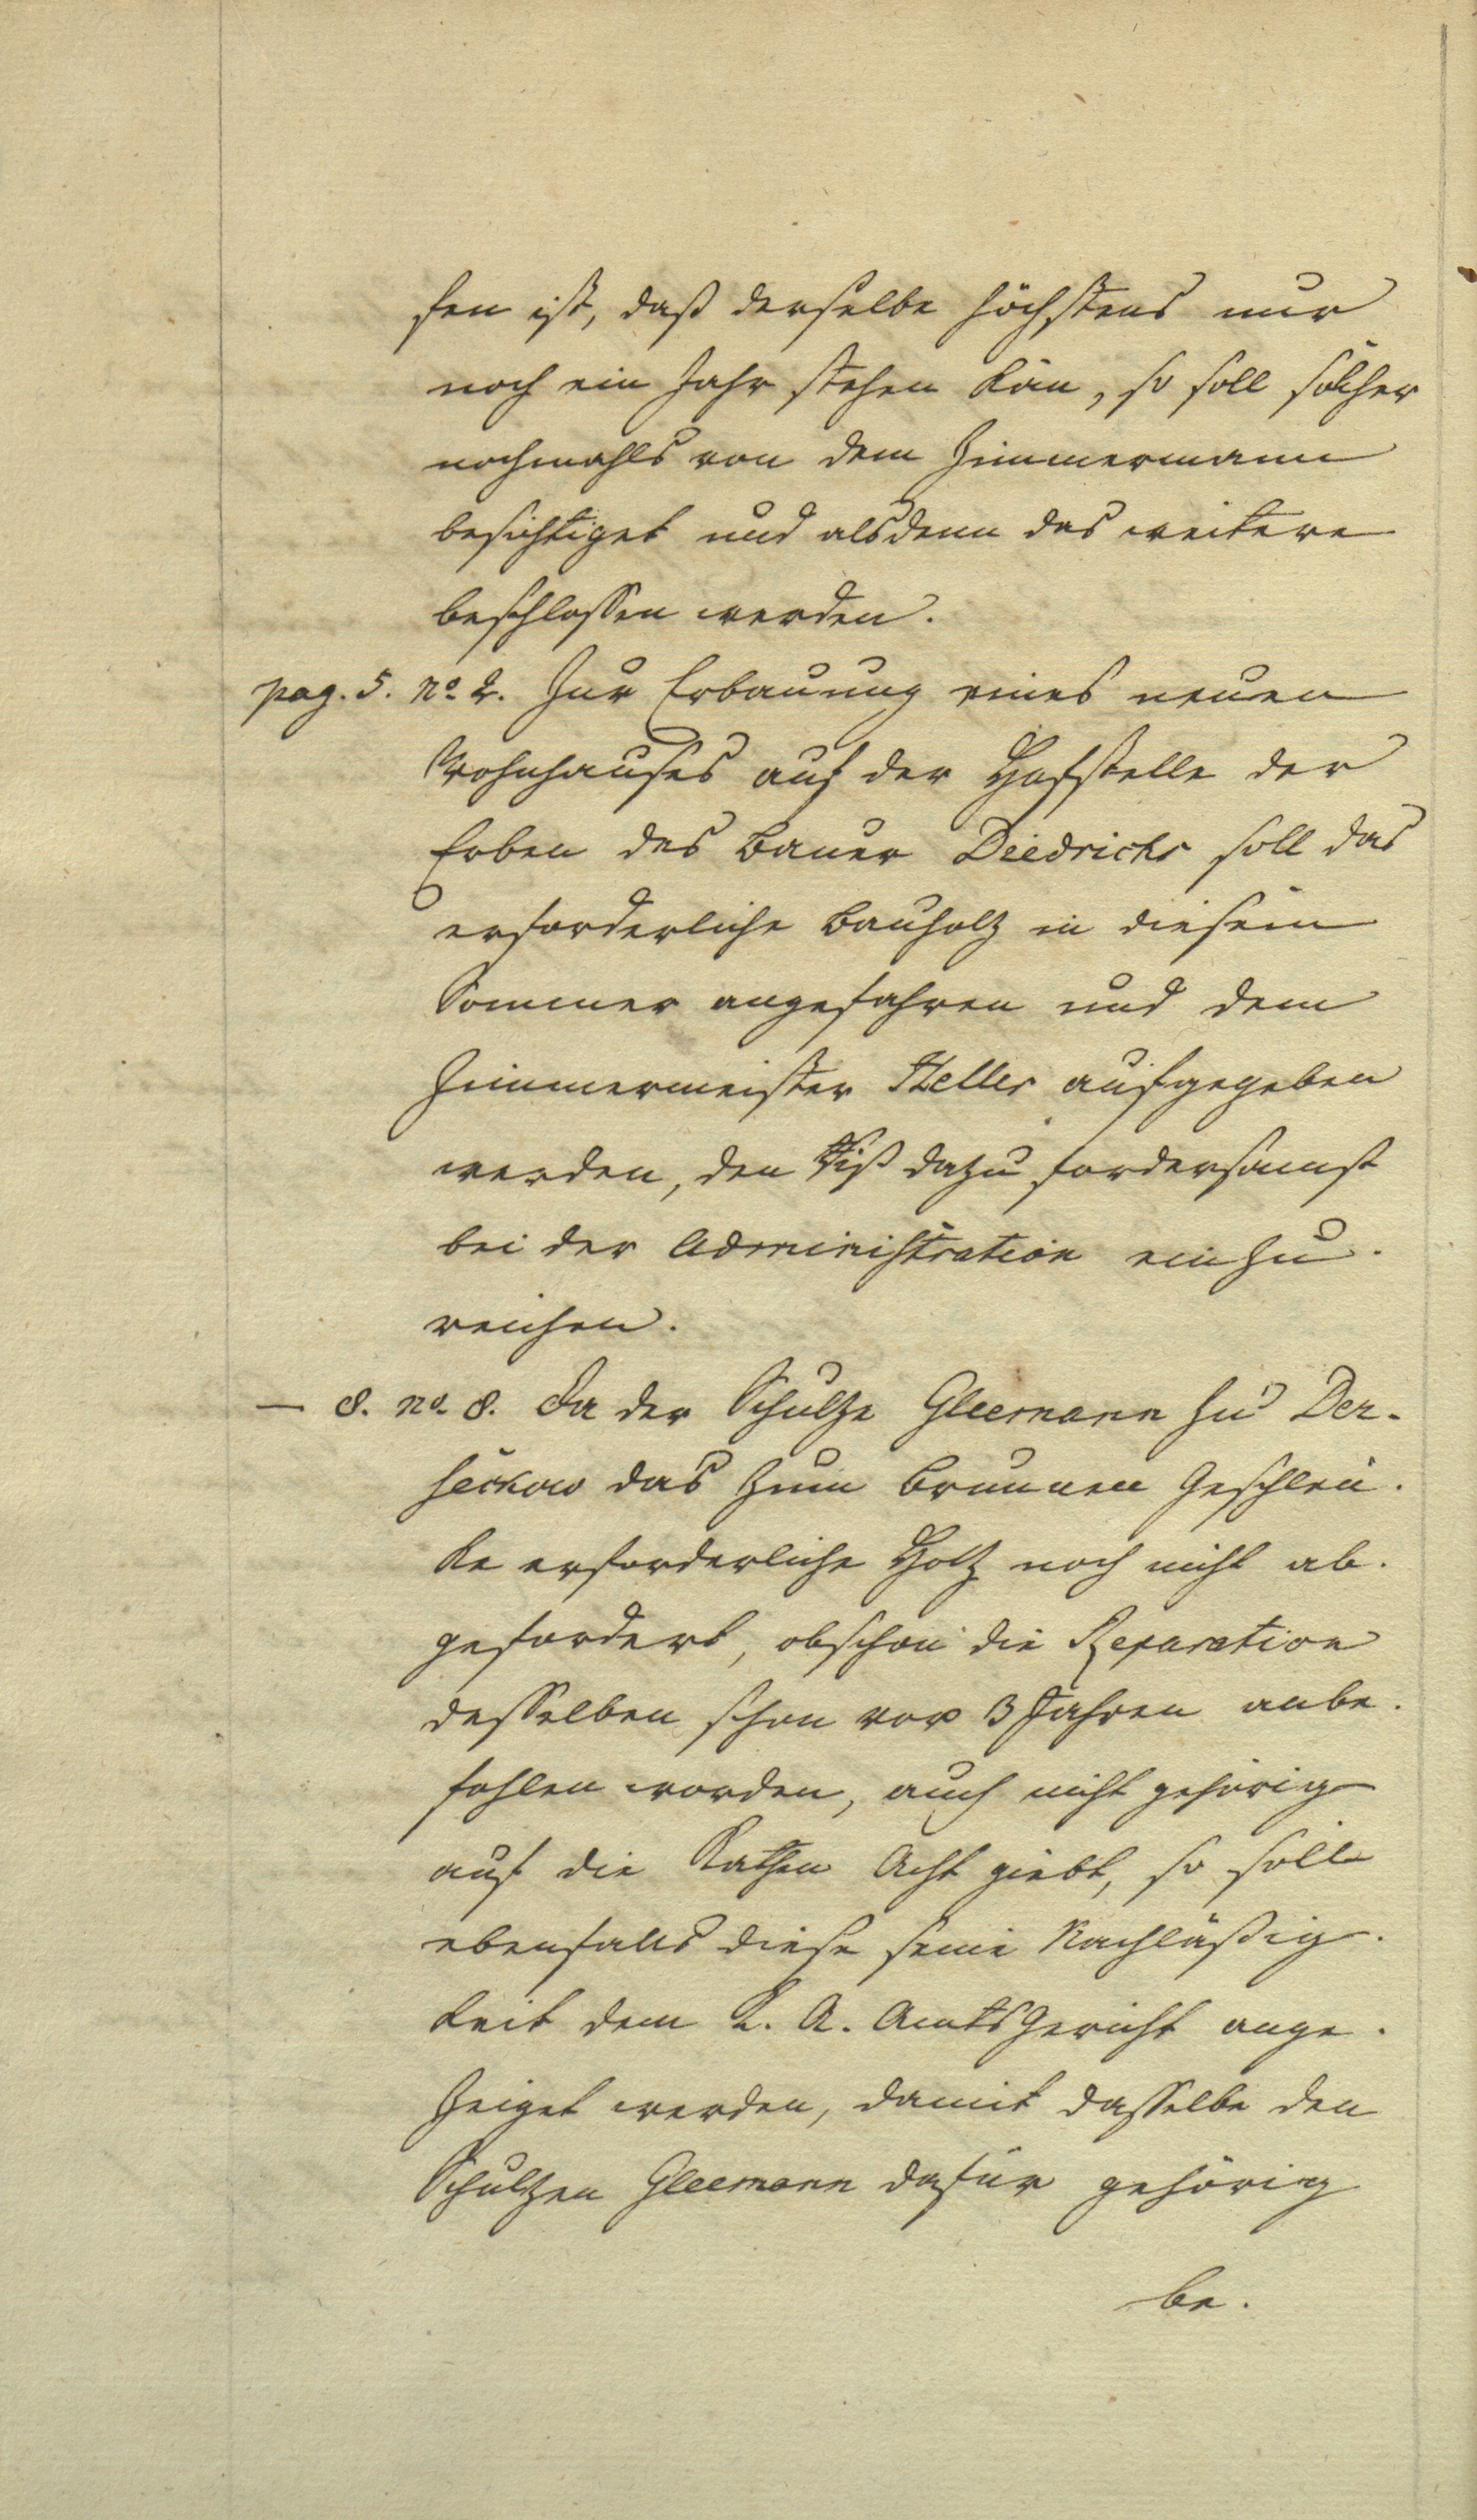fen ist, daß derselbe höchstens nur
noch ein Jahr stehen kan, so soll solcher
nochmahls von dem Zimmermann
besichtiget und alsdenn das weitere
beschlossen werden.
pag. 5. No 2. Zur Erbauung eines neuen
Wohnhauses auf der Hofstelle der
Erben des Bauer Diedrichs soll das
erforderliche Bauholz in diesem
Sommer angefahren und dem
Zimmermeister Heller aufgegeben
werden, den Riß dazu fordersamst
bei der Administration einzu¬
reichen.
8. No 8. Da der Schulze Gleemann zu Der¬
seckow das zum Brunnen Geschleu¬
ke erforderliche Holz noch nicht ab¬
gefordert, obschon die Reparation
desselben schon vor 3 Jahren anbe¬
fohlen worden, auch nicht gehörig
auf die Kathen Acht giebt, so solle
ebenfalls diese seine Nachläßig¬
keit dem K. A. Amtsgericht ange¬
zeiget werden, damit dasselbe den
Schulzen Gleemann dafür gehörig
be¬